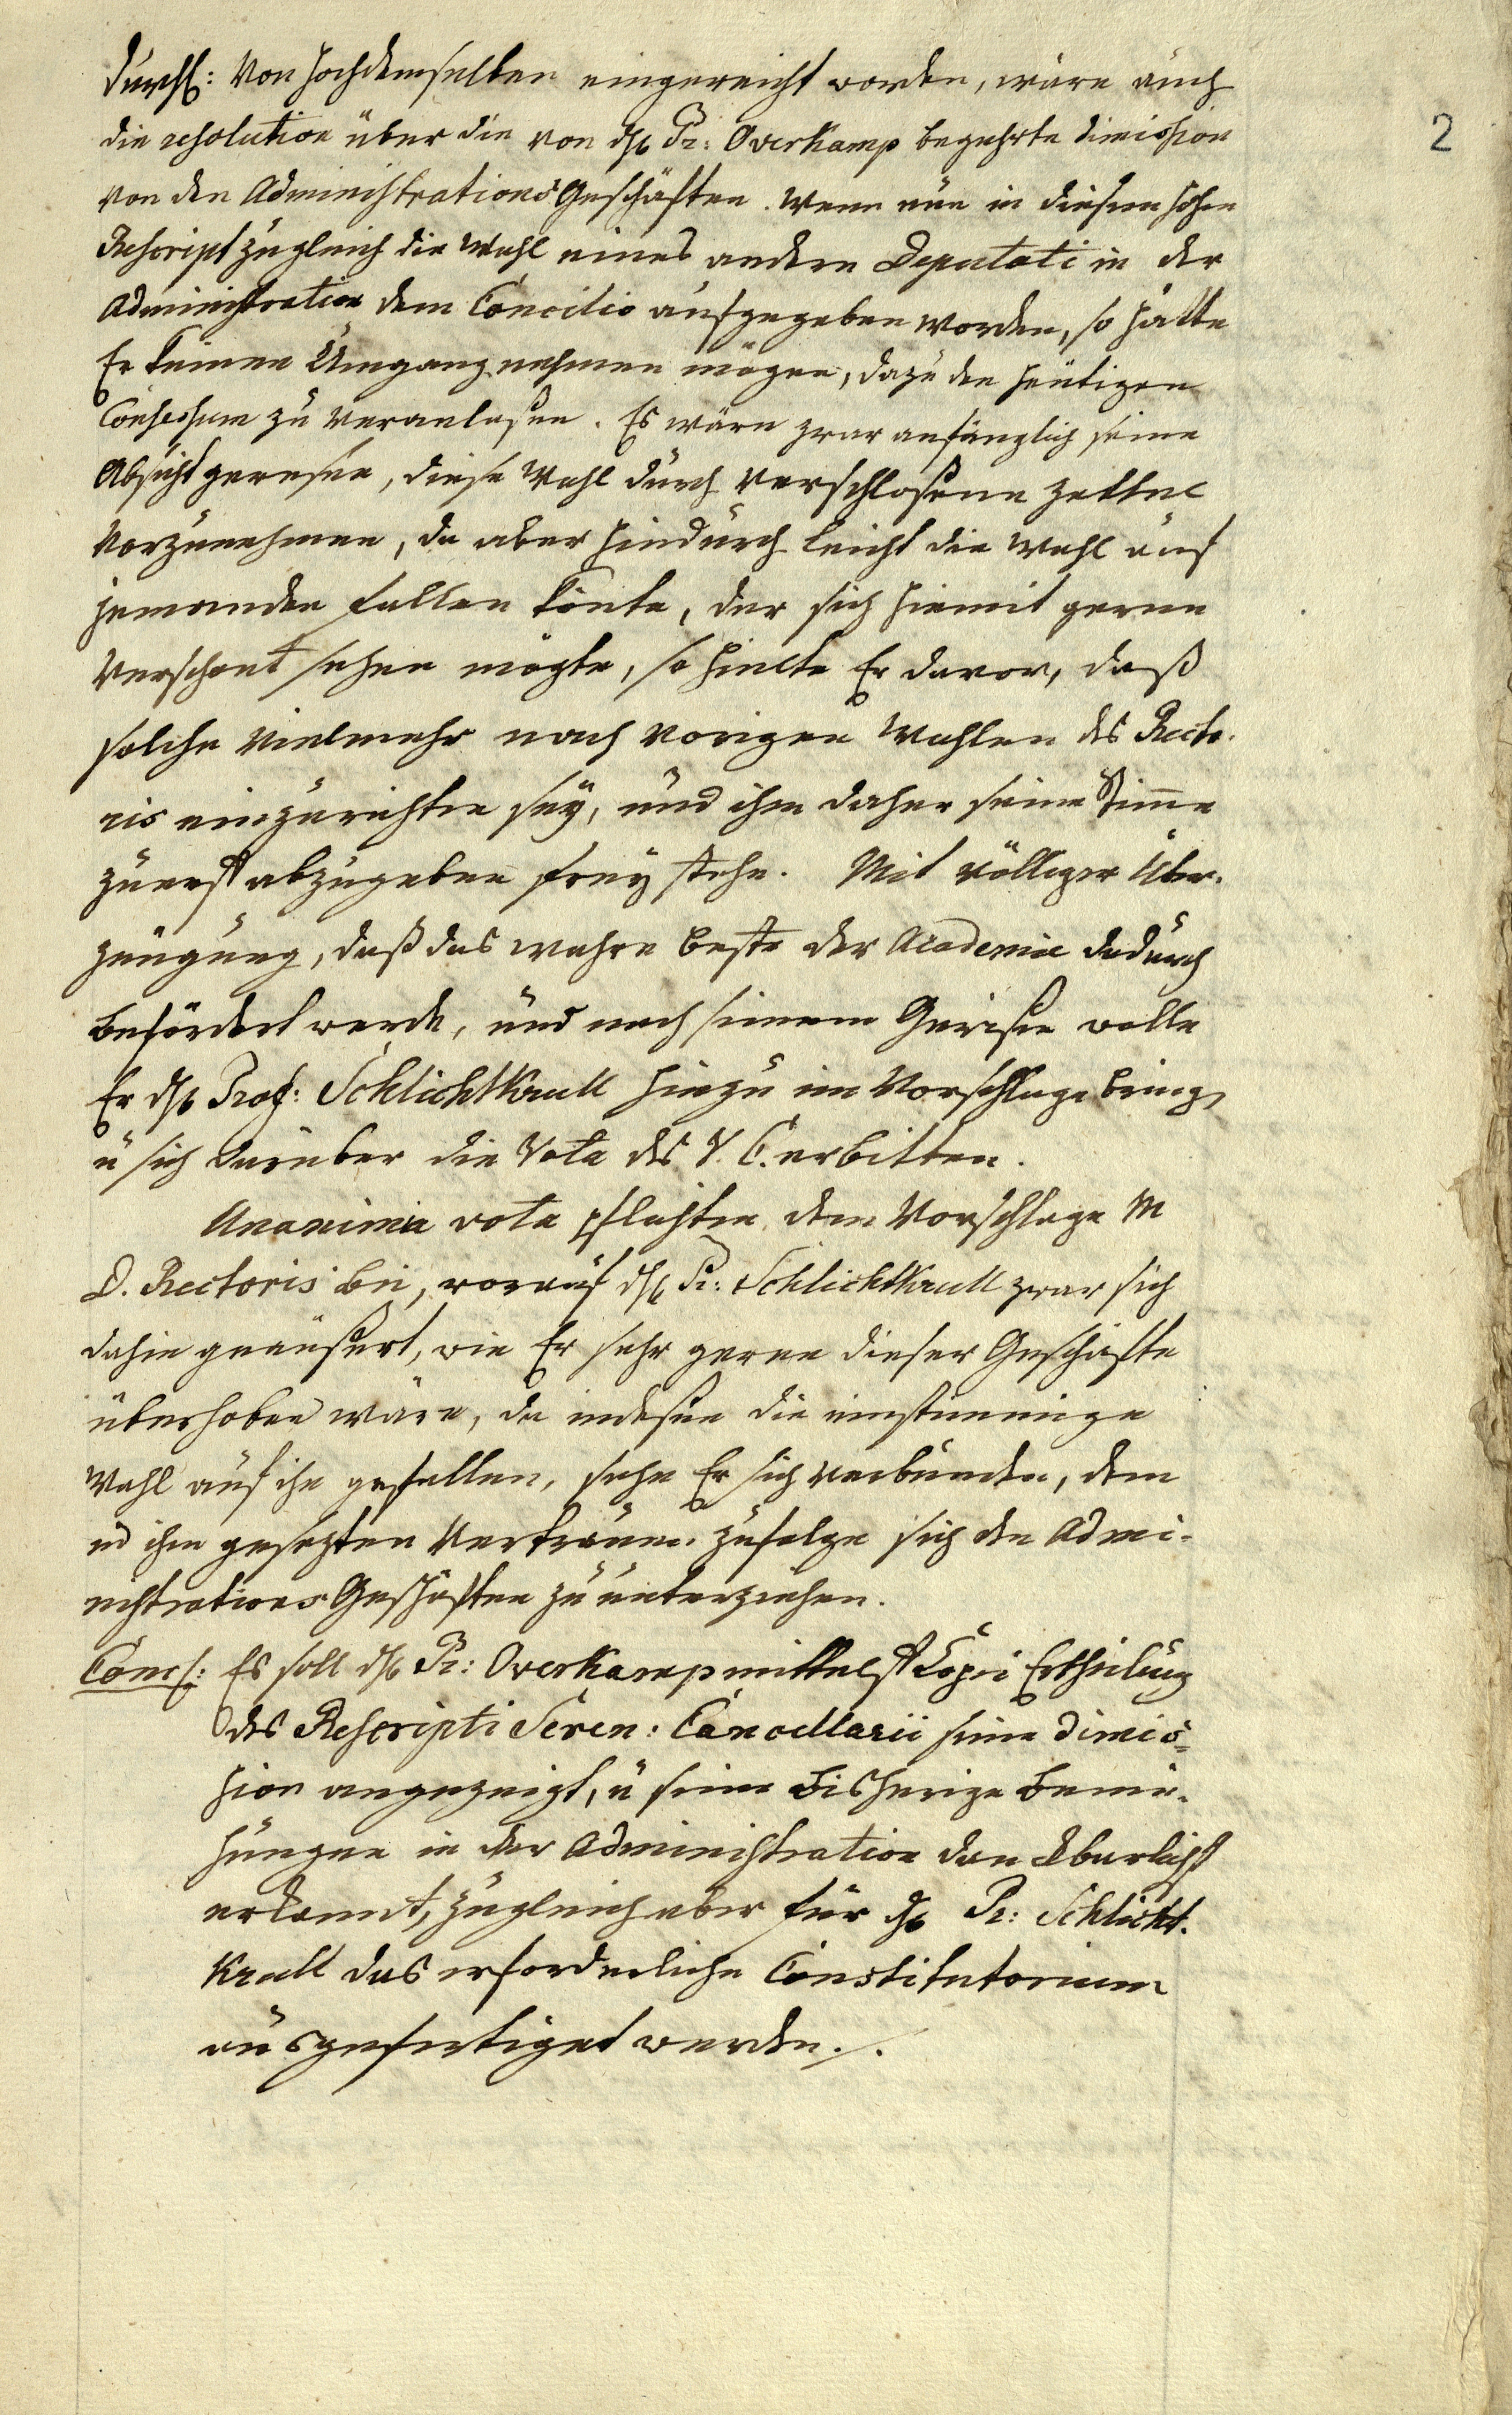durchl. Von Hochdemselben eingereicht worden, wäre auch
die resolution über die von dh. Pr. Overkamp begehrte dimission
von den Administrations Geschäften. Wenn nun in diesem hohen
Rescript zugleich die Wahl eines andern Deputati in der
Administration dem Concilio aufgegeben worden, so hätte
Er keinen Umgang nehmen mögen, dazu den heutigen
Consessum zu veranlaßen. Es wäre zwar anfänglich seine
Absicht gewesen, diese Wahl durch verschloßene Zettel
vorzunehmen, da aber hiedurch leicht die Wahl auf
jemanden fallen könte, der sich hiemit gerne
verschont sehen mögte, so hielte Er davor, daß
solche vielmehr nach vorigen Wahlen des Recto¬
ris einzurichten seÿ, und ihm daher seine Stime
zuerst abzugeben freÿ stehe. Mit völliger Über¬
zeugung, daß das wahre beste der Academie dadurch
befördert werde, und nach seinem Gewißen wolle
Er dh. Prof. Schlichtkrull hiezu im Vorschlag bringe
u sich darüber die Vota des V. C. erbitten.
Unanimia vota pflichten dem Vorschlage M
D. Rectoris bei, worauf dh. Pr. Schlichtkrull zwar sich
dahin geäußert, wie Er sehr gerne dieser Geschäfte
überhoben wäre, da indeßen die einstimmige
Wahl auf ihn gefallen, sehe Er sich verbunden, dem
in ihm gesezten Vertrauen zufolge sich den Admi¬
nistrations Geschäften zu unterziehen.
Concl. Es soll dh. Pr. Overkamp mittelst Copei Ertheilung
des Rescripti Seren. Cancellarii seine dimis¬
sion angezeigt, u seine bisherig Bemü¬
hungen in der Administration danckbarlichst
erkannt, zugleich aber für dh. Pr. Schlicht¬
krull das erforderliche Constitutorium
ausgefertiget werden.